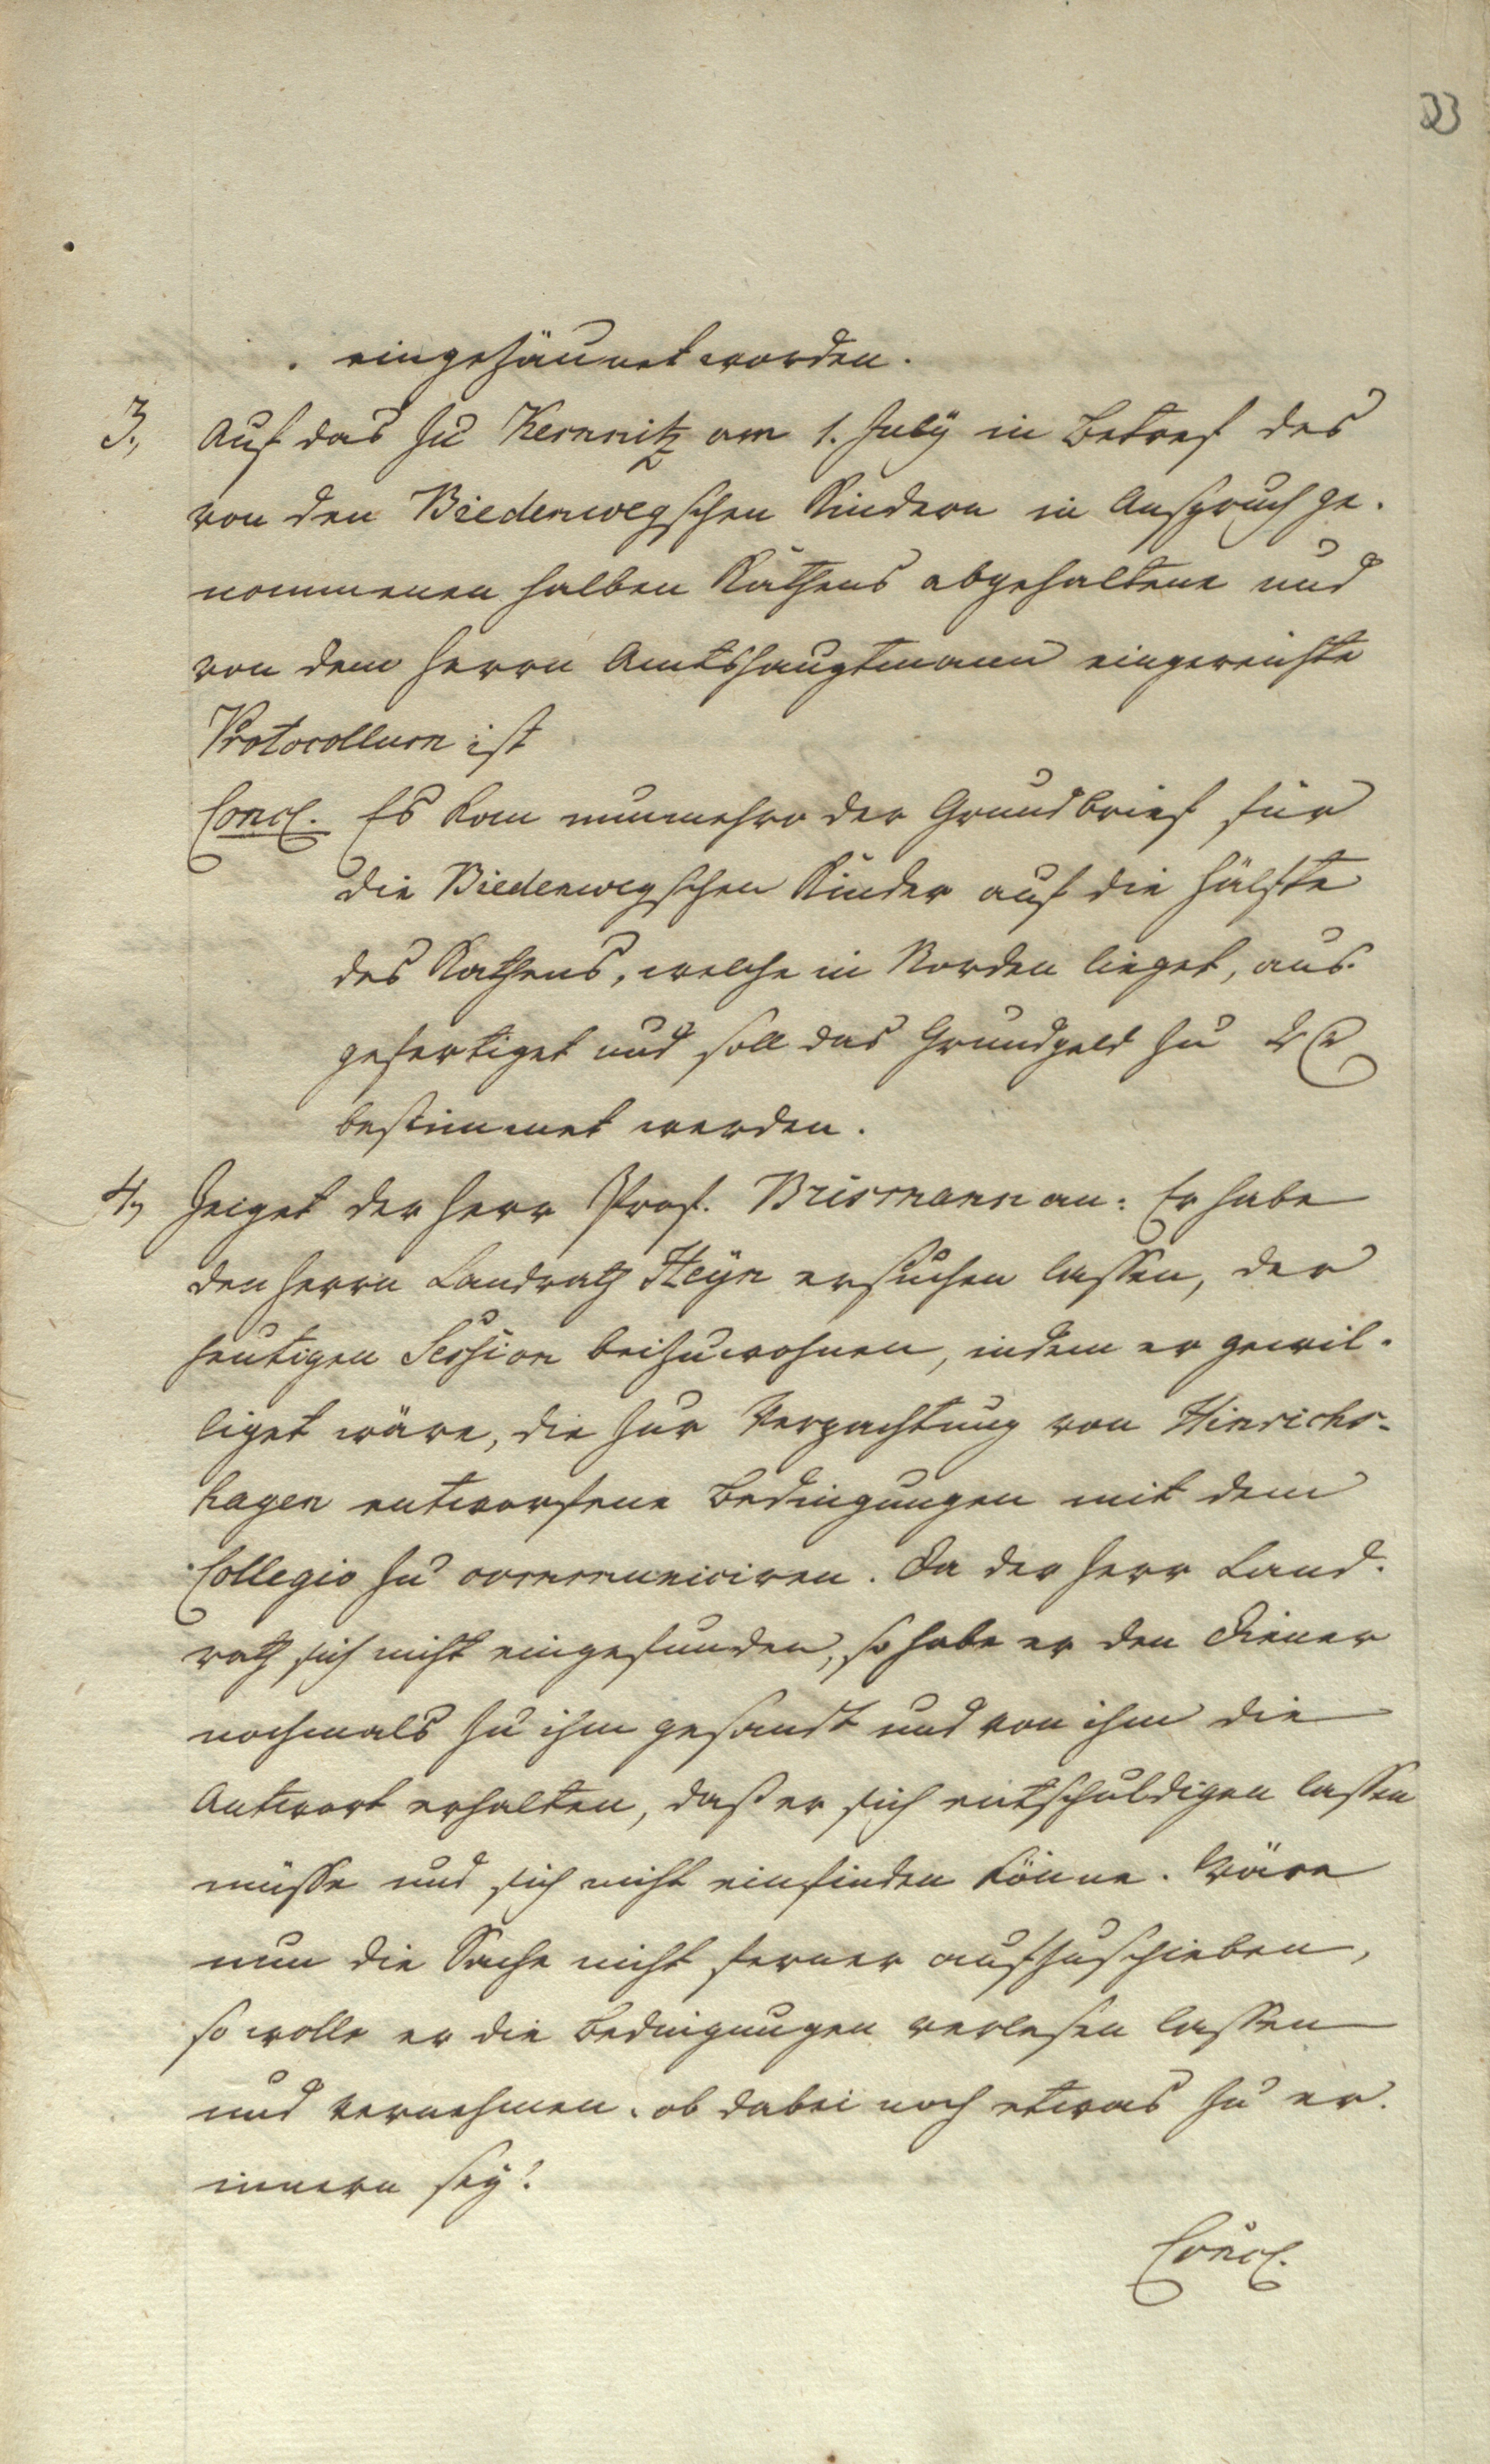eingezäunet worden.
3., Auf das zu Kemnitz am 1. Julÿ in Betref des
von den Biedenwegschen Kindern in Anspruch ge¬
nommenen halben Kathens abgehaltene und
von dem Herrn Amtshauptmann eingereichte
Protocollum ist
Concl. Es kan nunmehro der Grundbrief für
die Biedenwegschen Kinder auf die Hälfte
des Kathens, welche im Norden lieget, aus¬
gefertiget und soll das Grundgeld zu 2 l.
bestimmet werden.
4., Zeiget der Herr Prof. Brismann an:. Er habe
den Herrn Landrath Heÿn ersuchen lassen, der
heutigen Session beizuwohnen, indem er gewil¬
liget wäre, die zur Verpachtung von Hinrichs¬
hagen entworfene Bedingungen mit dem
Collegio zu communiciren. Da der Herr Land¬
rath sich nicht eingefunden, so habe er den Diener
nochmals zu ihm gesandt und von ihm die
Antwort erhalten, daß er sich entschuldigen lassen
müsse und sich nicht einfinden könne. Wäre
nun die Sache nicht ferner aufzuschieben,
so wolle er die Bedingungen verlesen lassen
und vernehmen: ob dabei noch etwas zu er¬
innern seÿ?
Concl.